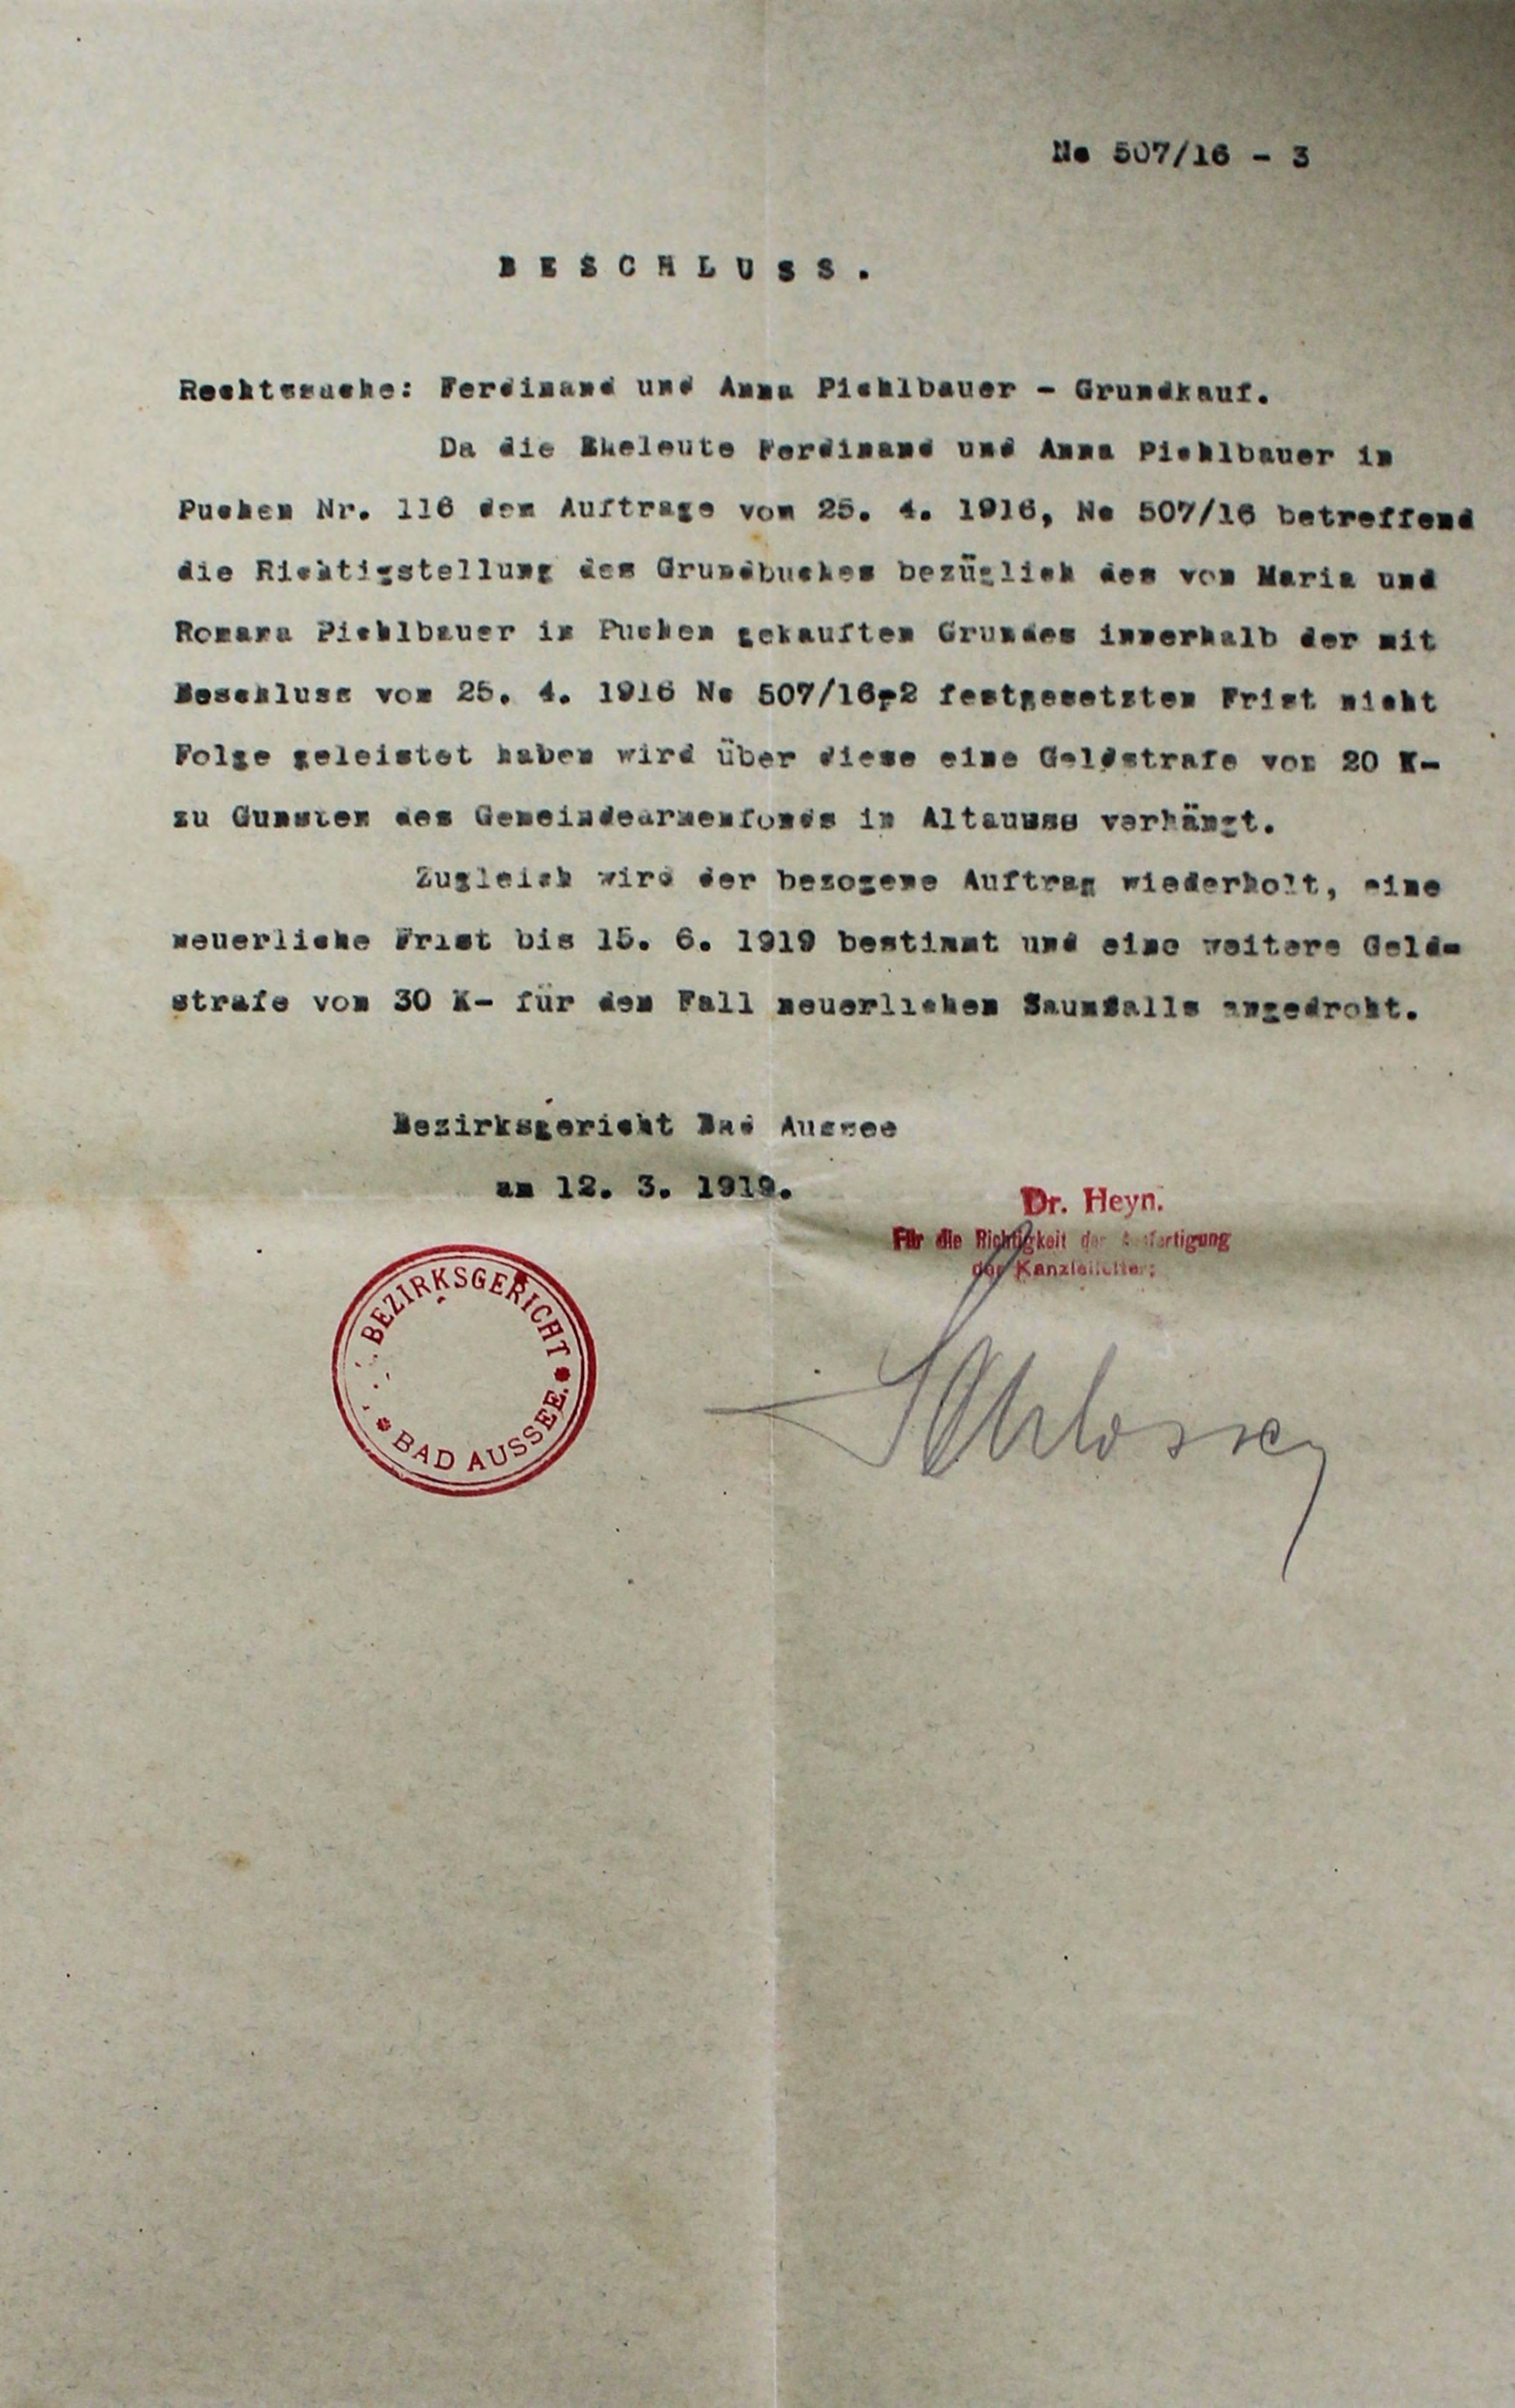No 507/16 - 3
BESCHLUSS.
Rechtssache: Ferdinand und Anna Pichlbauer - Grundkauf.
Da die Eheleute Ferdinand und Anna Pichlbauer in
Puchen Nr. 116 den Auftrage von 25. 4. 1916, No 507/16 betreffens
die Richtigstellung des Grundbuches bezüglich des von Maria und
Romana Pichlbauer in Puchen gekauften Grundes lnnerhalb der mit
Beschluss vom 25. 4. 1916 No 507/16, 2 festgesetzen Frist nicht
Folge geleistet haben wird über diese eine Geldstrafe von 20 K-
zu Gunsten des Gemeindearaerfonds in Altausse verhängt.
Zugleich wird der bezogene Auftrag wiederholt, eine
neuerliche Frist bis 15. 6. 1919 bestimmt und eine weitere Geld¬
strafe von 30 K- für den Fall neuerlichen Saumsalls angedroht.
Bezirksgericht Bad Aussee
Dr. Heyn.
Für die Richtigkeit der Ausfertigung
der Kanzleileiter:
Schlossen
am 12. 3. 1919.